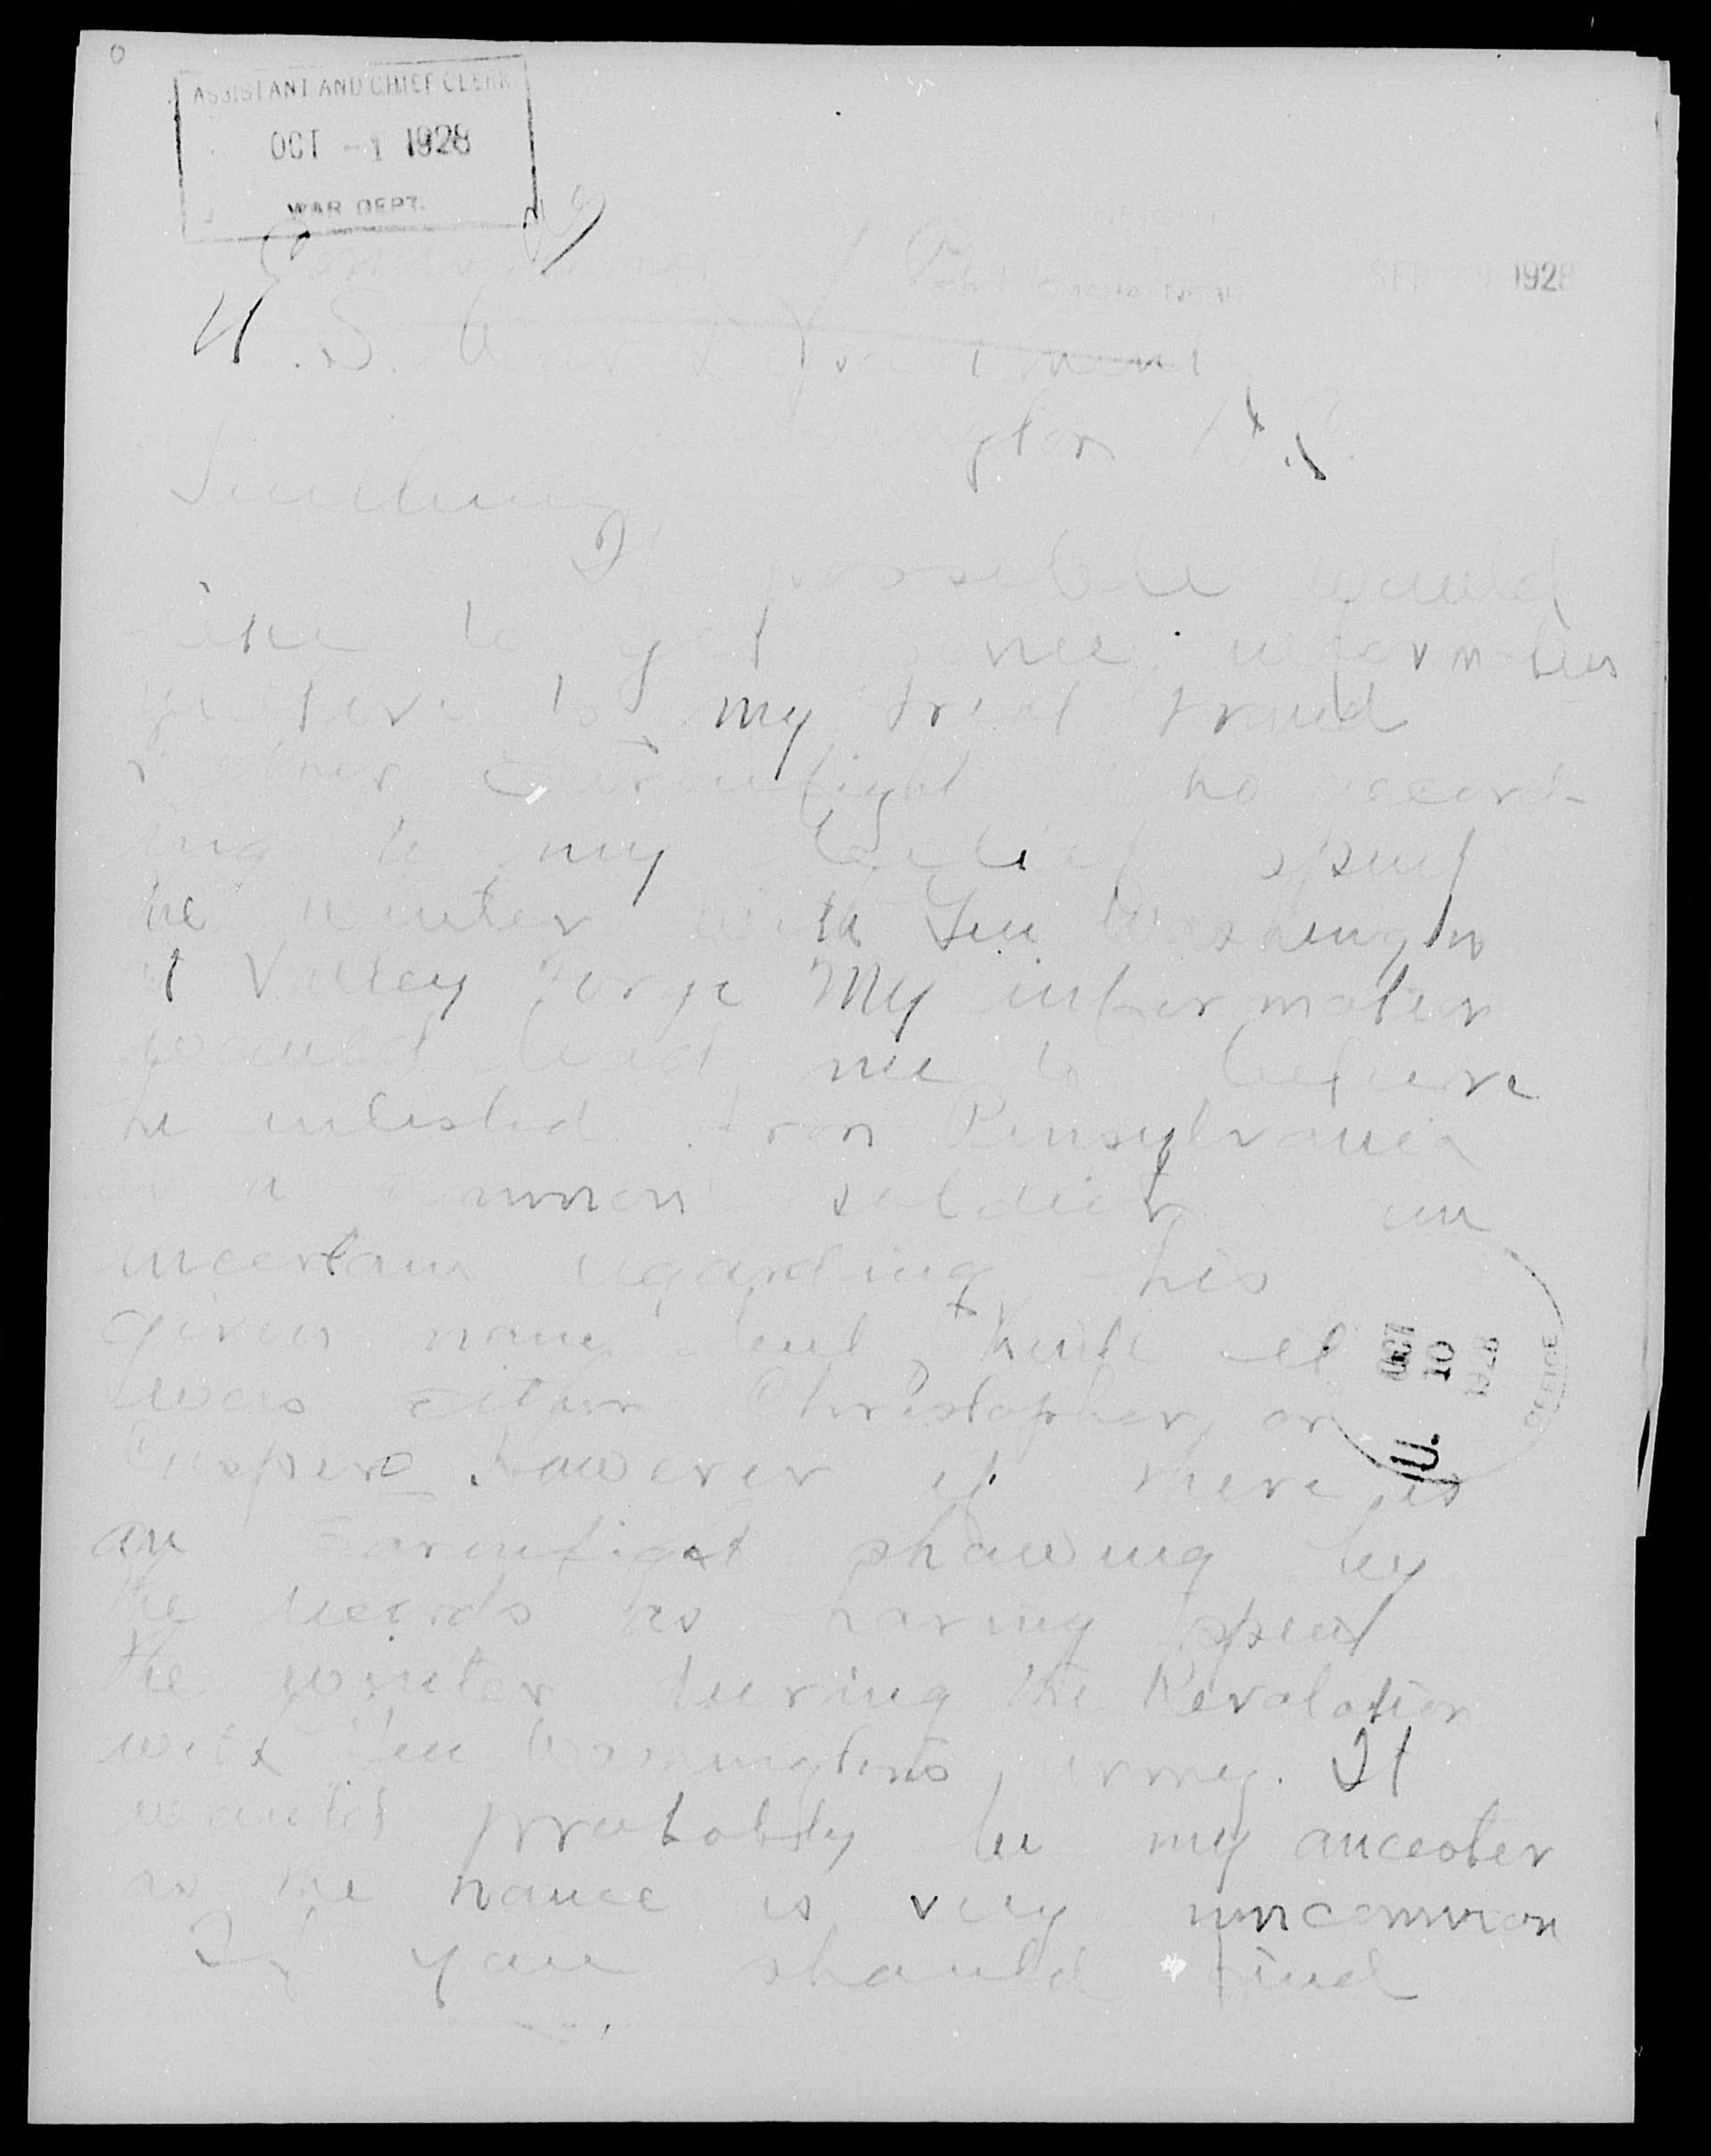[Date stamp receipt in the left upper corner.]
ASSISTANT AND CHIEF CLERK
OCT -1 1928
WAR DEPT.
Commissioner of Pensions  [Stamped date] SEP [illegible] 1928
U. S. War Department
Washington, D. C.
If possible would
like to get some information
[Sentence illegible]
[illegible] Earenfight who according
to my belief spent
the winter with Gen. Washington
at Valley Forge. My information
would lead me to believe
he enlisted from Pennsylvania
in a manner [illegible]
uncertain regarding his
given name but [illegible] it
either Christopher or
[illegible]. However if there is
an Earnfight showing by
the records as having spent
the winter during the Revolution
with Gen. Washington Army, it
would probably be my ancestor
as the name is very uncommon.
If you should find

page: 11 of 21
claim: survivor's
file: S. 42691, Jacob Earenfight, Continental Ohio Residence And Agency